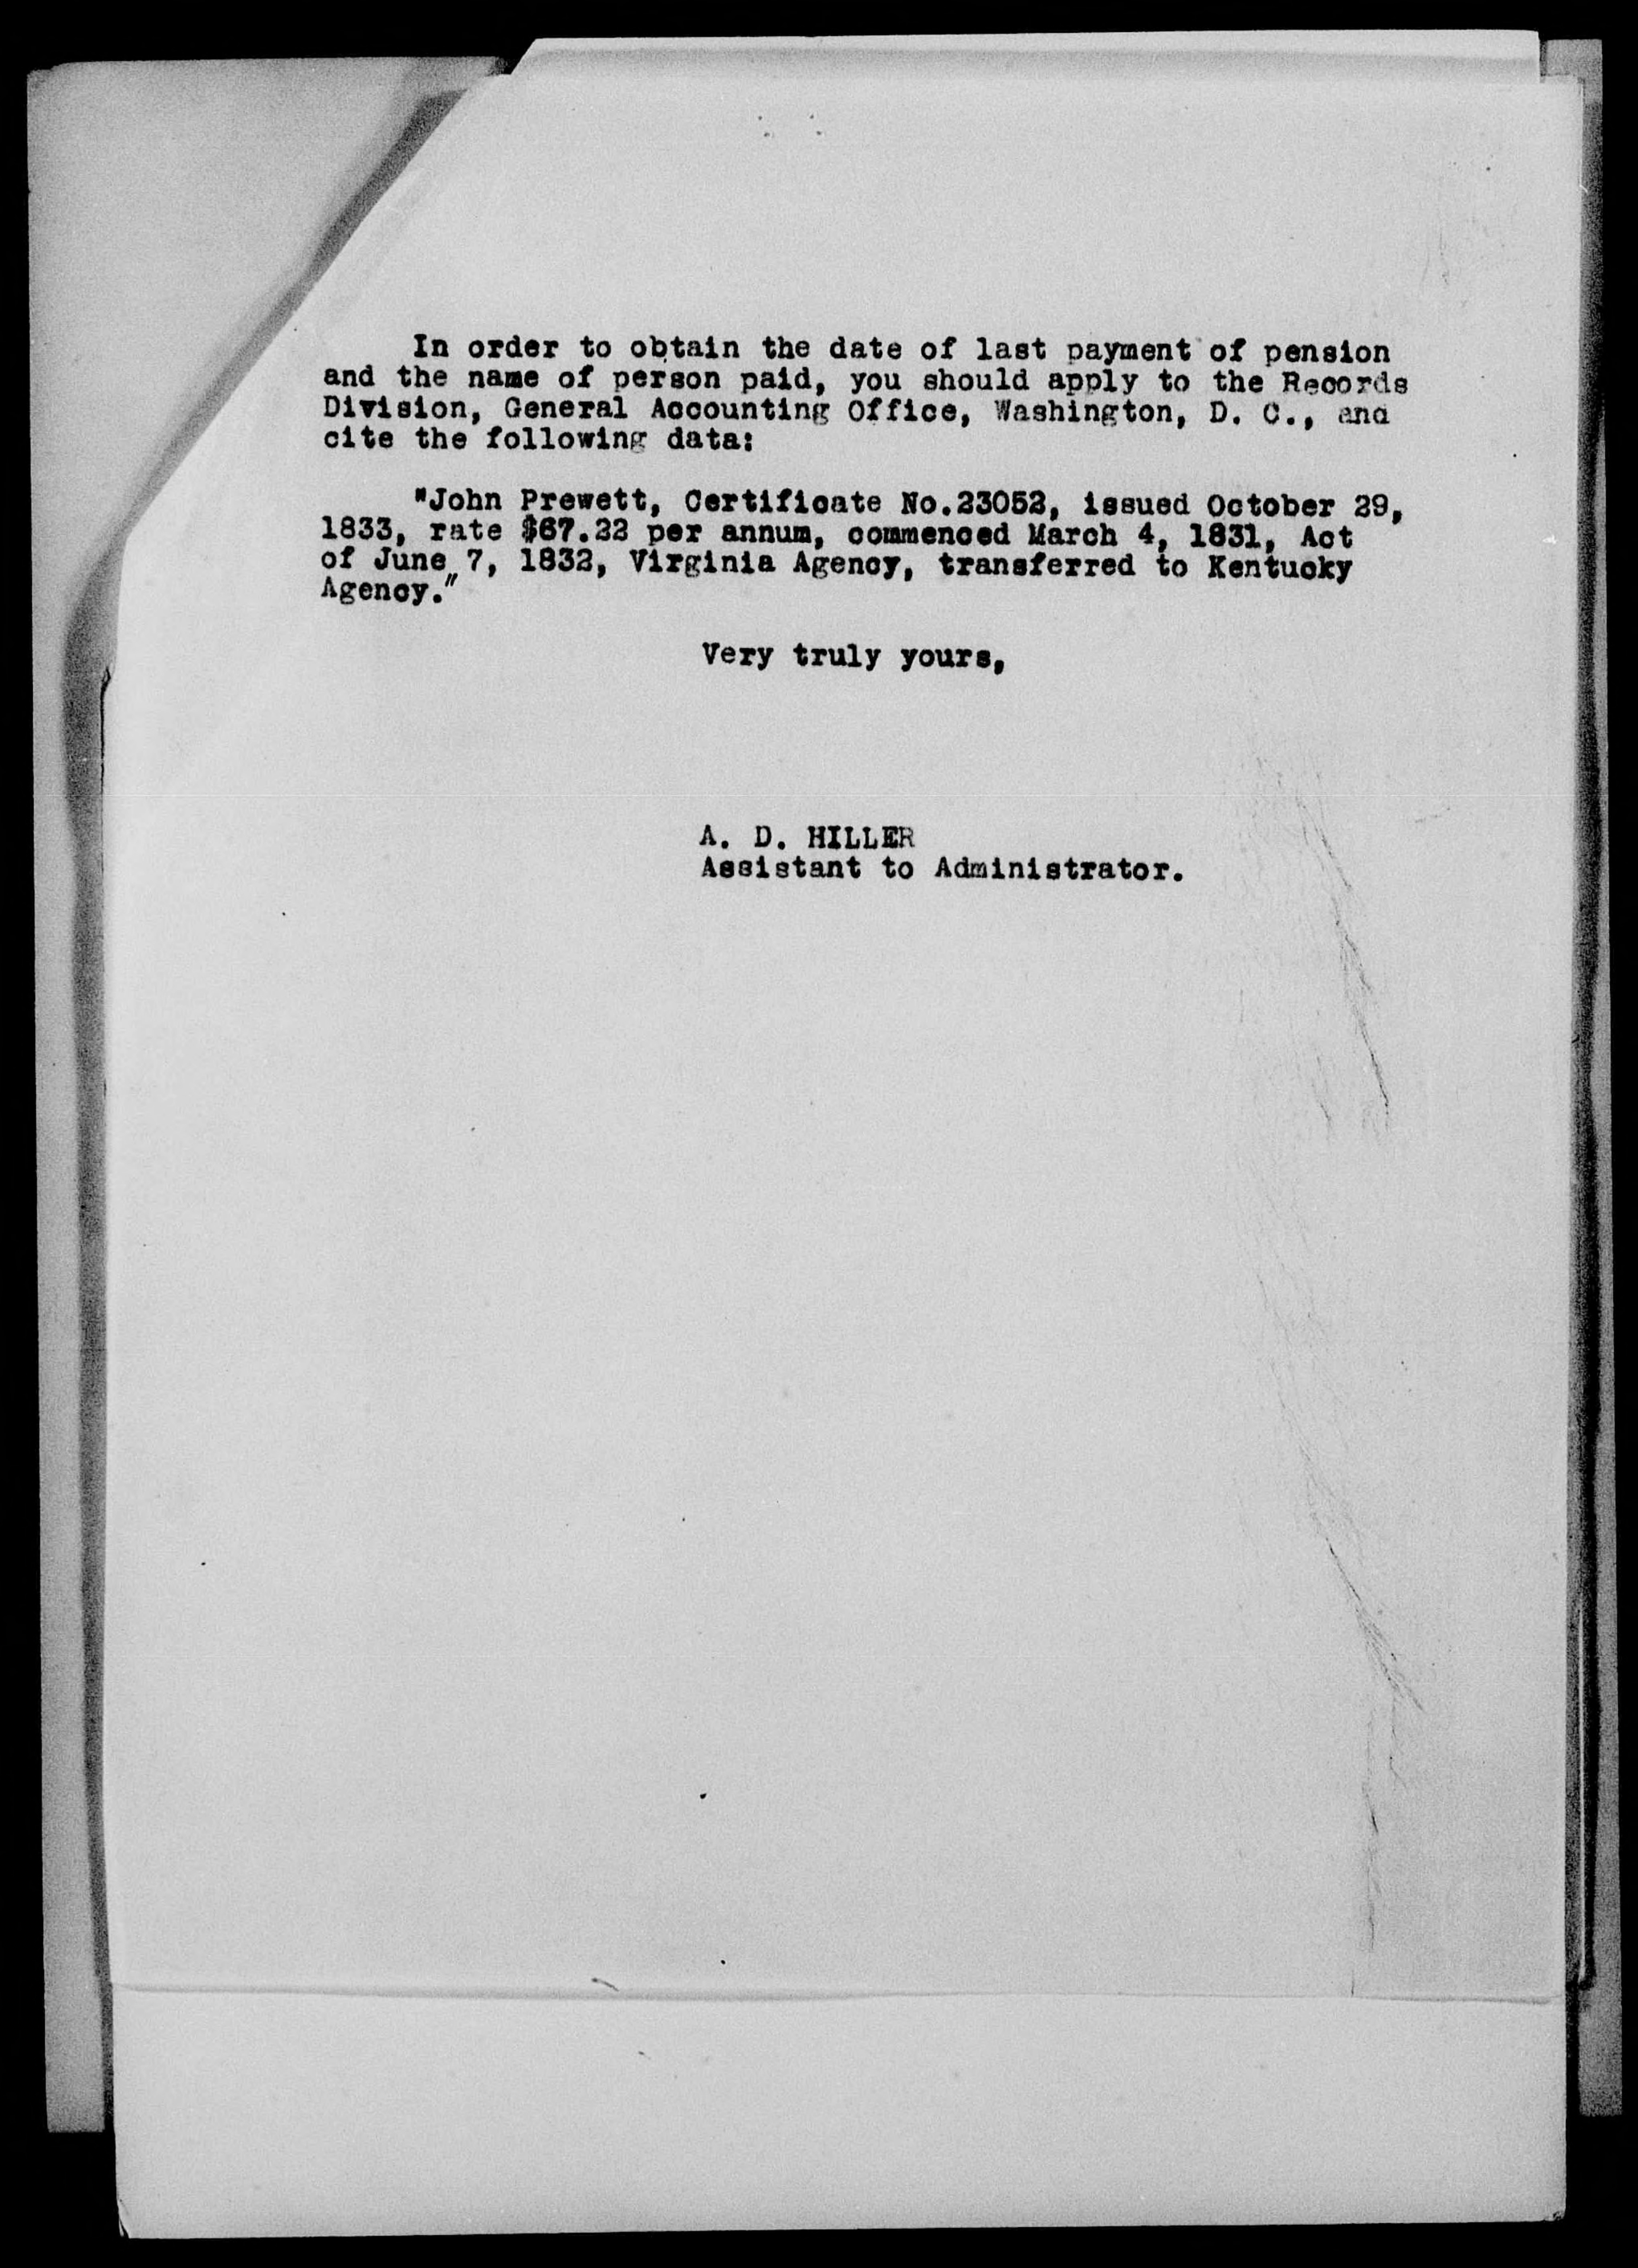In order to obtain the date of last payment of pension and the name of person paid, you should apply to the Records Division, General Accounting Office, Washington, D.C., and cite the following data:

"John Prewett, Certificate No. 23052, issued October 29, 1833, rate $67.22 per annum, commenced March 4, 1831, Act of June 7, 1832, Virginia Agency, transferred to Kentucky Agency."

Very truly yours,

A. D. HILLER
Assistant to Administrator.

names: A D Hiller; John Prewett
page: 15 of 35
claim: survivor's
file: S. 30,665, for John Prewett, Virginia